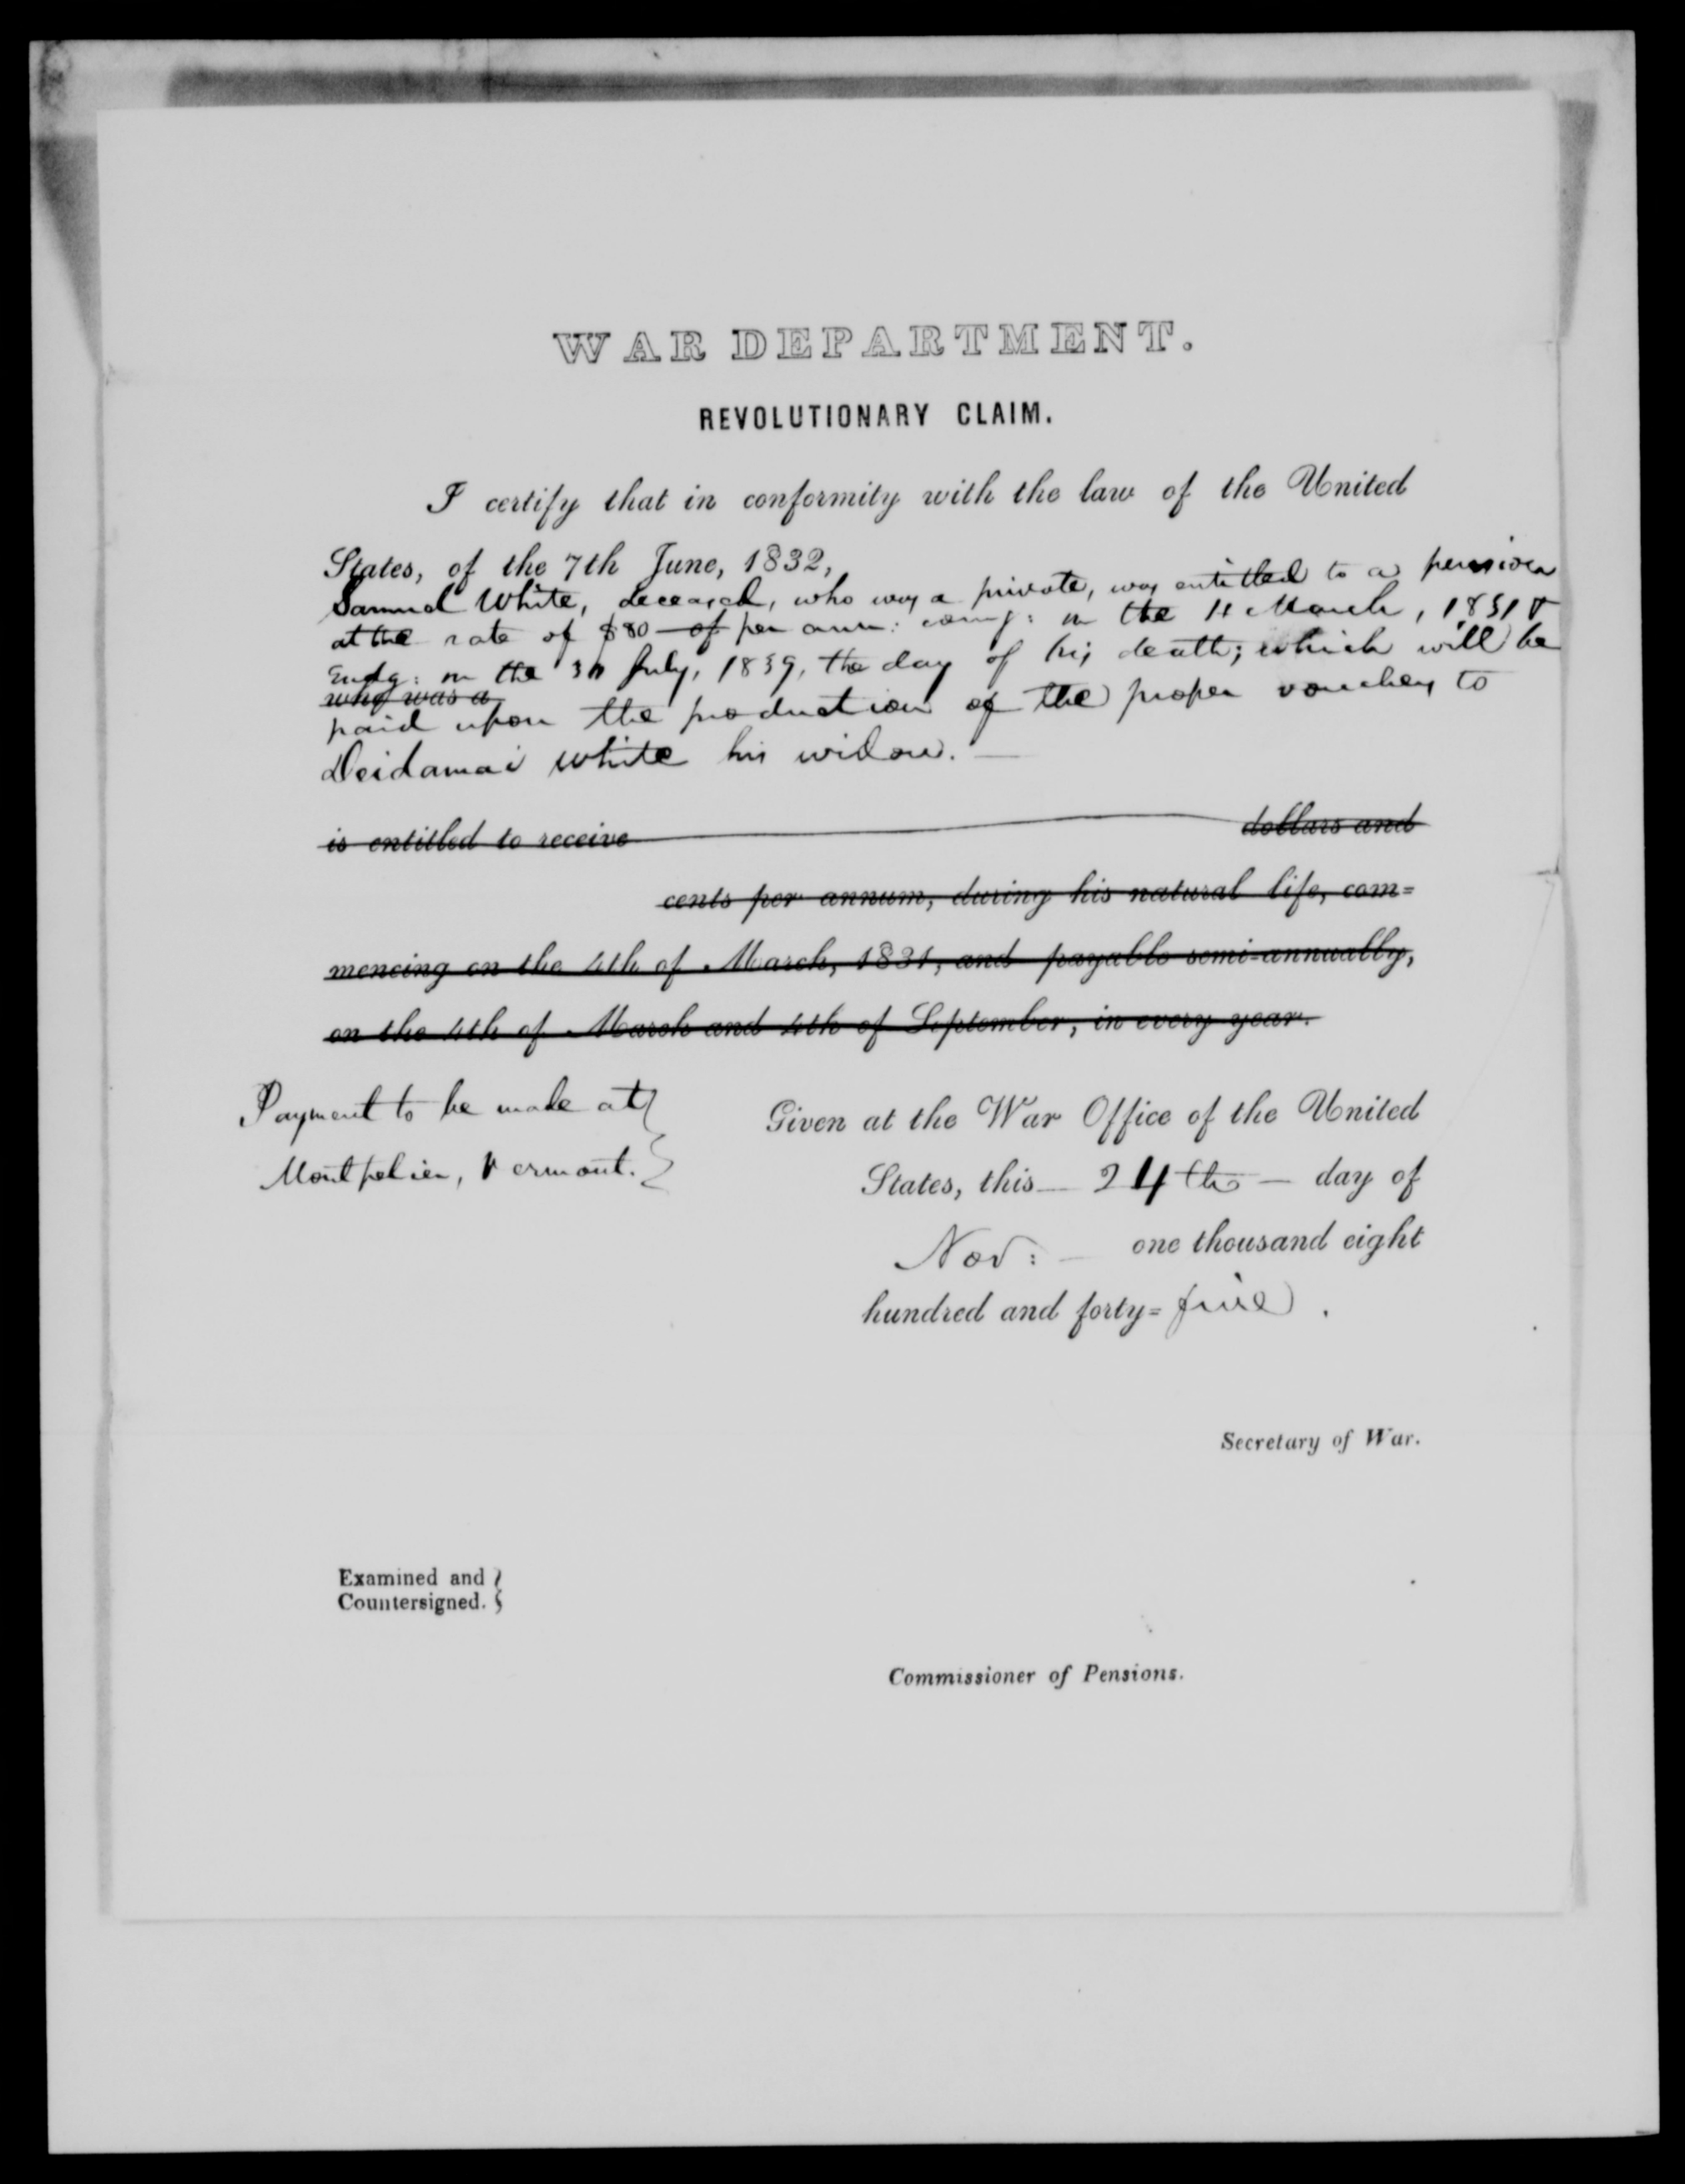WAR DEPARTMENT
Revolutionary Claim

I certify that in conformity with the law of the United States of the 7th June, 1832
Samuel White, deceased, who was a private, was entitled to a pension at the rate of $80. per ann. 
comg. in the 11 March, 1831 & endg. on the 30 July, 1839, the day of his death; which will be paid upon the production of the proper voucher to Deidamai White his widow.

Payment to be made at
Montpelier, Vermont

Given at the War office of the United States, this 24th day of Nov. one thousand eight hundred and forty five.

Secretary of War

Commissioner of Pensions

Examined and
Countersigned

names: Samuel White, Deidamai White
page: 31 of 79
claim: survivor's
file: S. 11759, Samuel White, Mass.